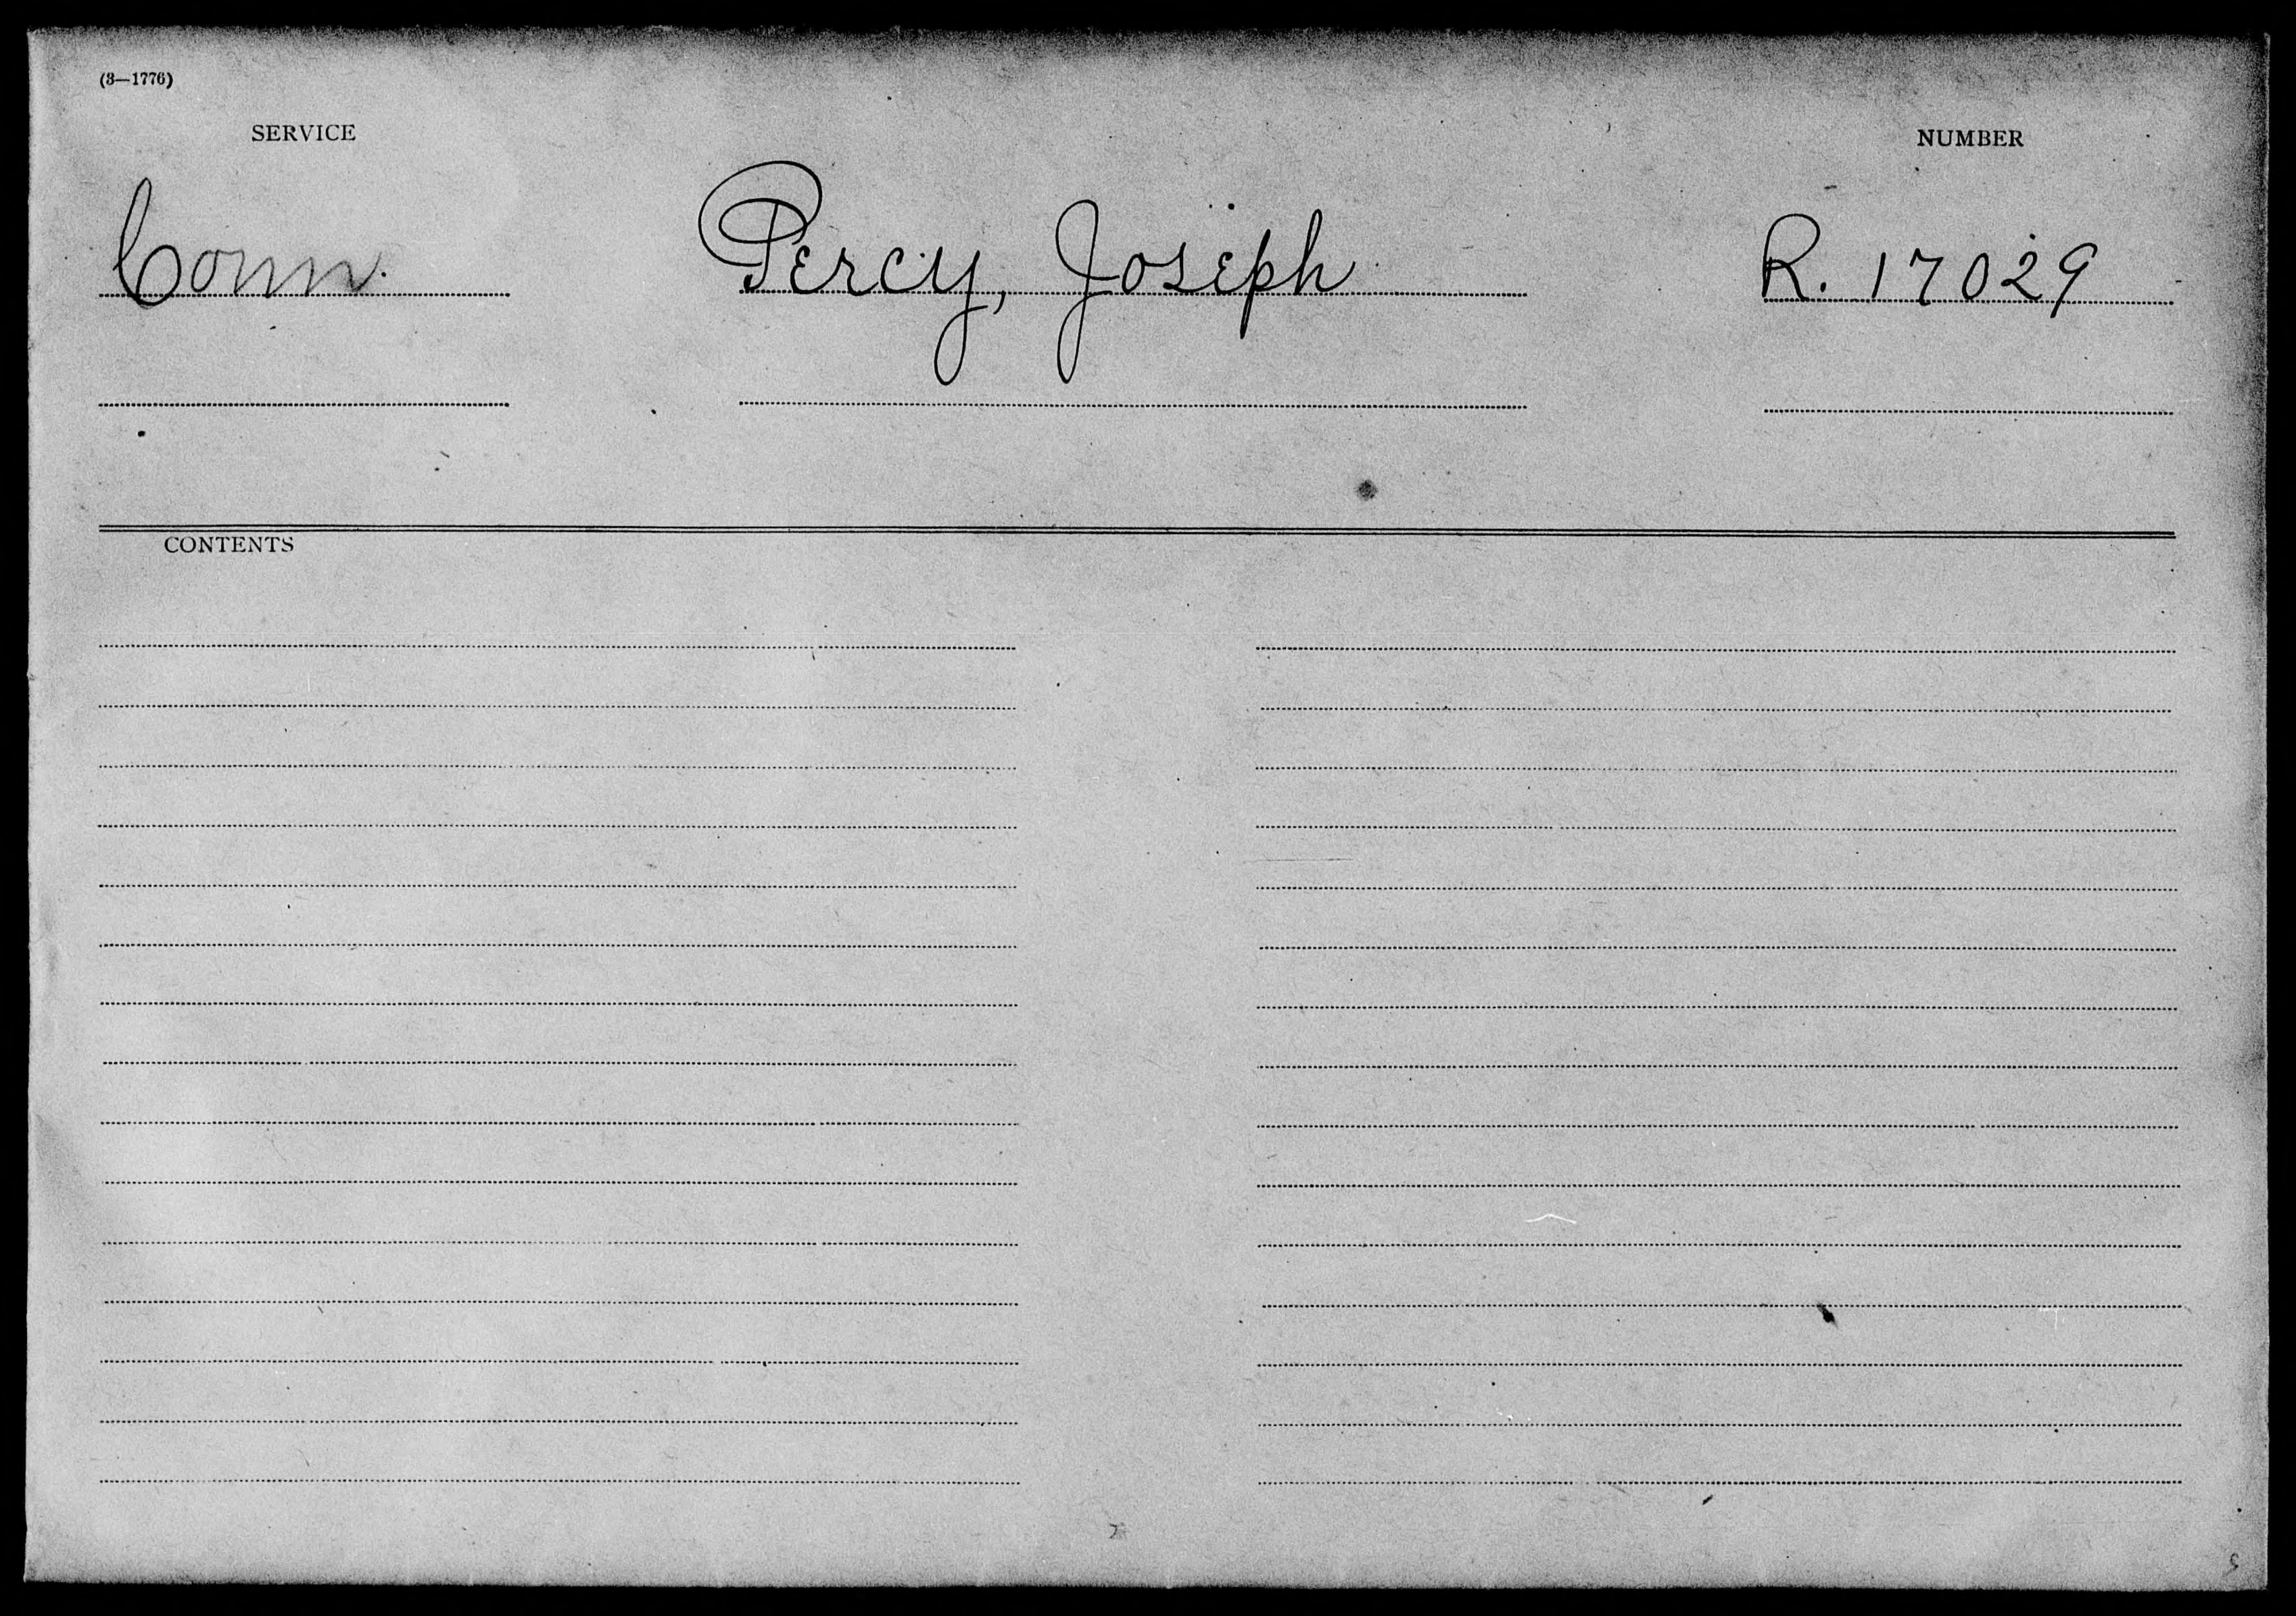Service - Conn
Percy, Joseph
Number - R.17029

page: 1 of 20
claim: rejected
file: R. 17029, for Joseph Percy, Connecticut